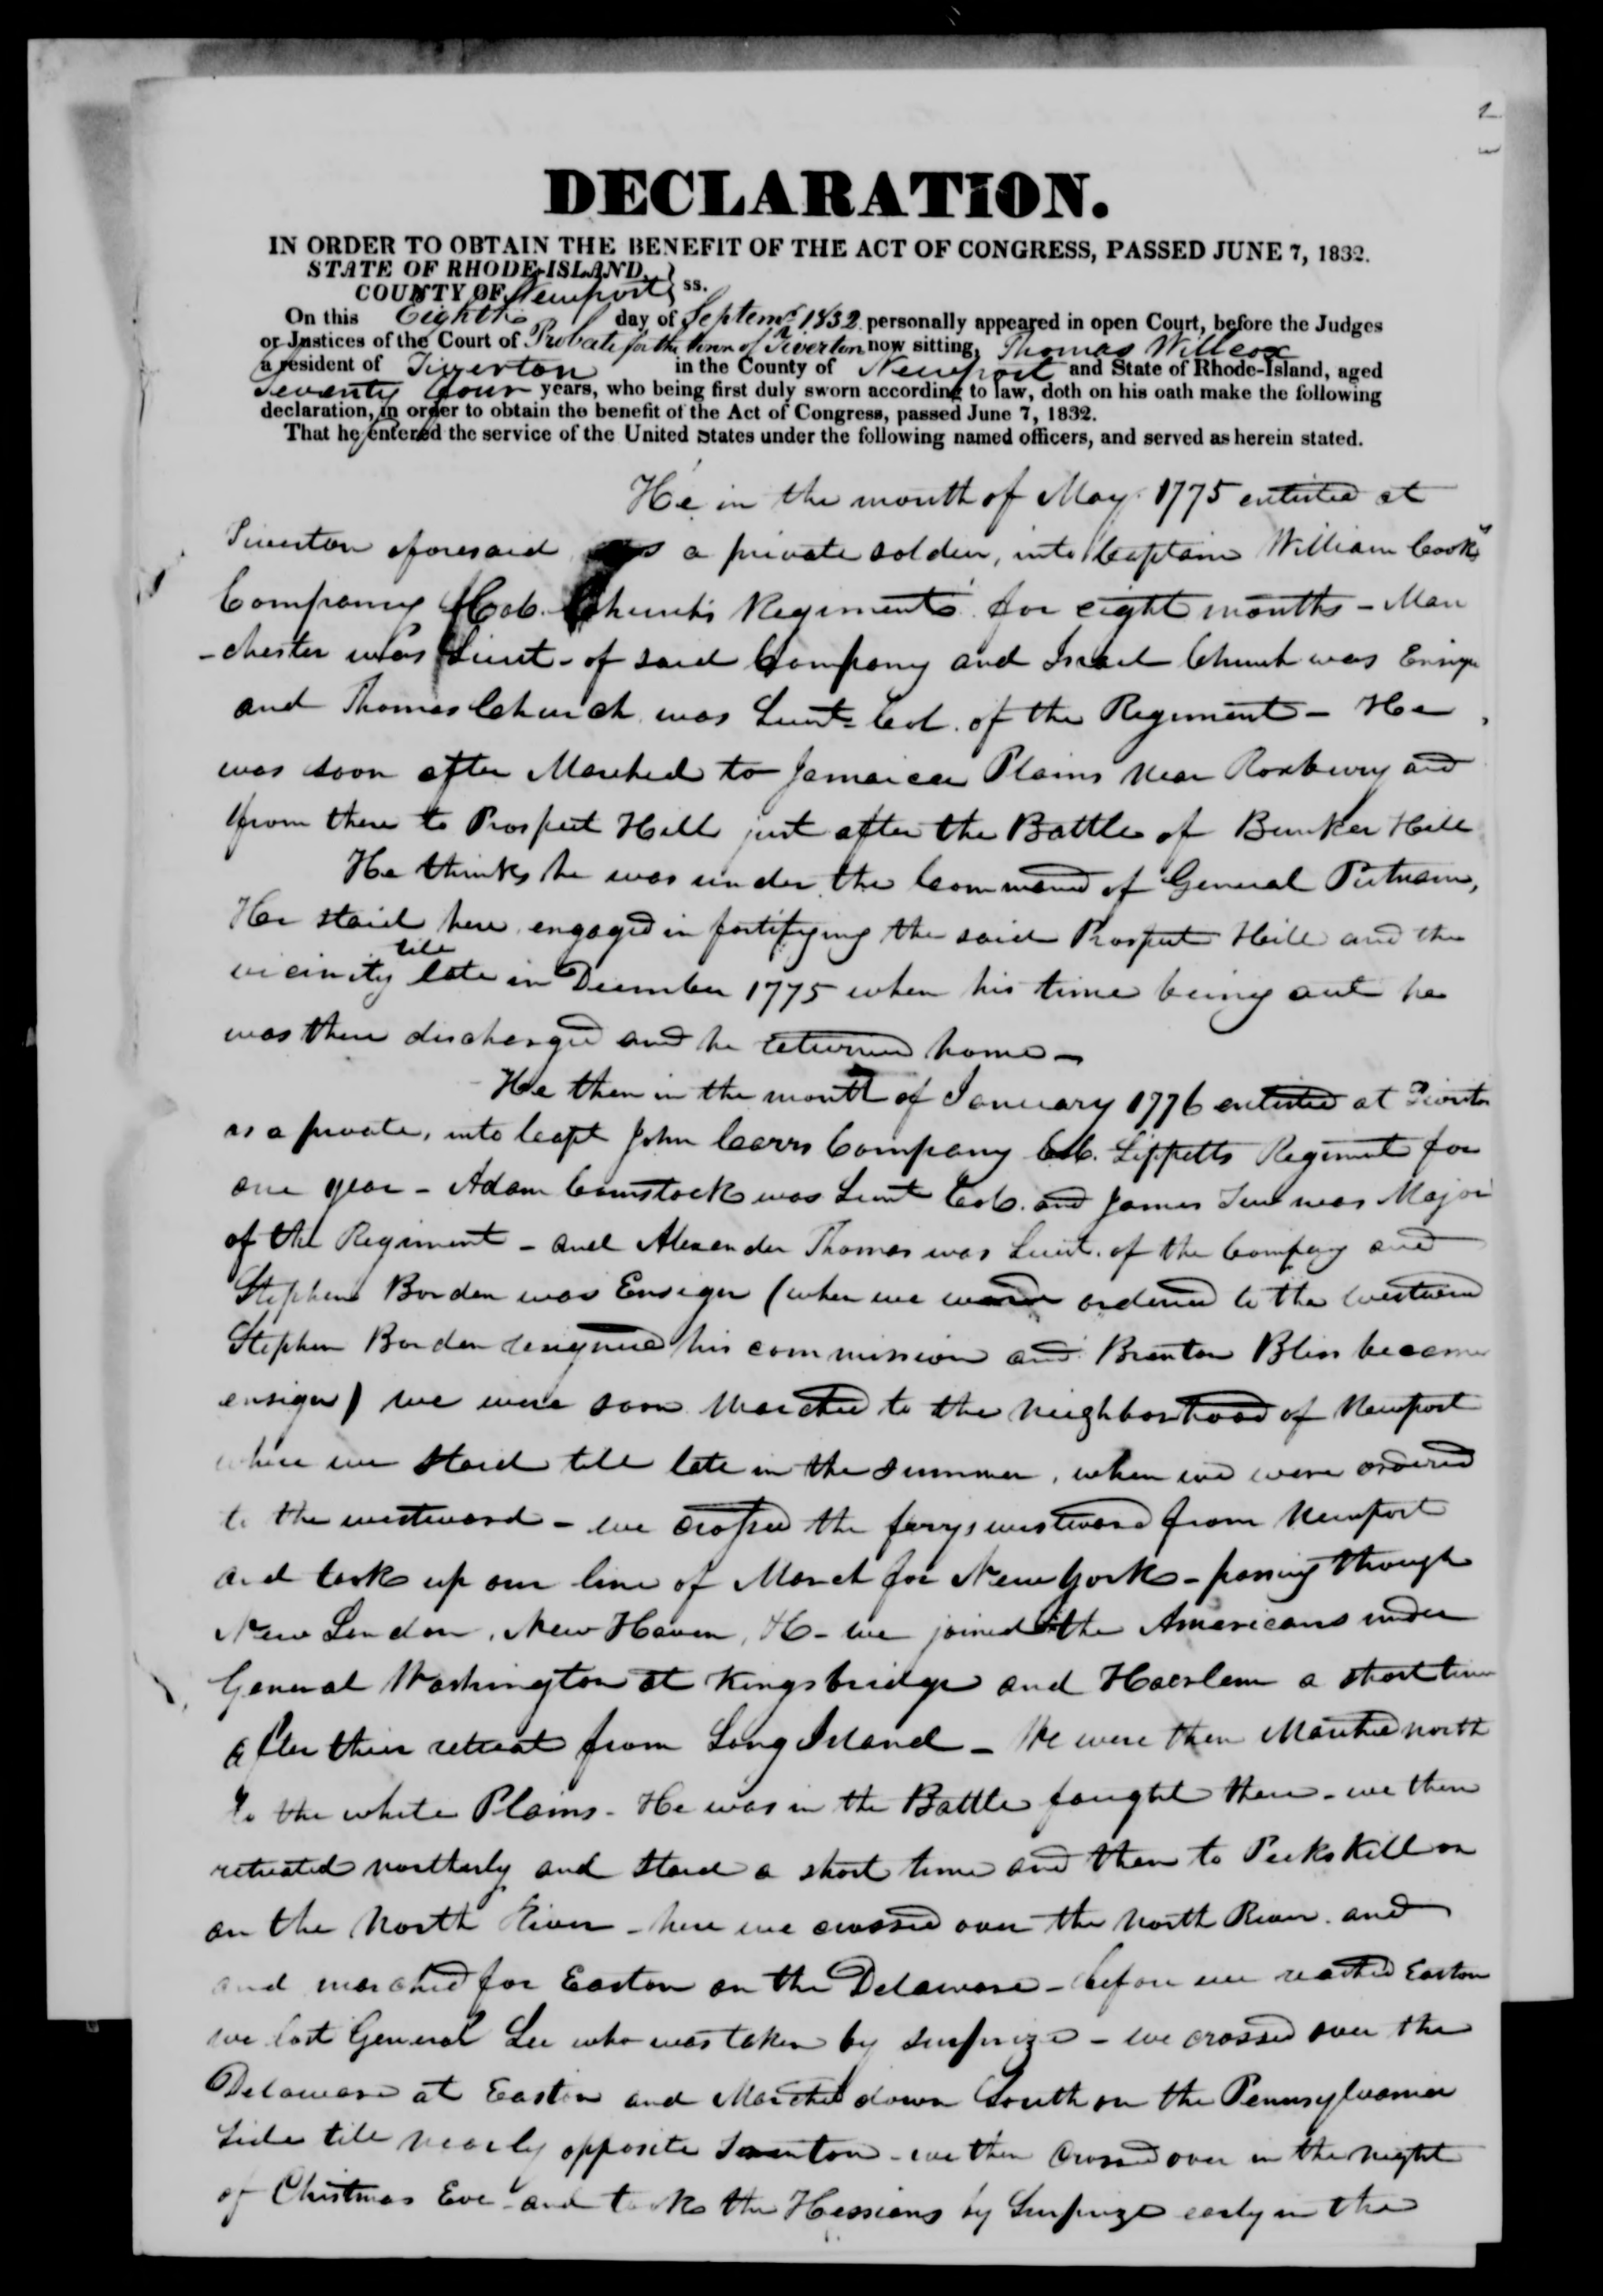DECLARATION.
IN ORDER TO OBTAIN THE BENEFIT OF THE ACT OF CONGRESS, PASSED JUNE 7, 1832.
STATE OF RHODE-ISLAND.
COUNTY OF. Newport SS.
On this Eighth day of Septemr 1832 personally appeared in open Court, before the Judges
or Justices of the Court of Probate for the town of Tiverton now sitting, Thomas Willcox
a resident of Tiverton
in the County of Newport and State of Rhode-Island, aged
Seventy four years, who being first duly sworn according to law, doth on his oath make the following
declaration, in order to obtain the benefit of the Act of Congress, passed June 7, 1832.
That he entered the service of the United States under the following named officers, and served as herein stated. [Illegible] in the month of May 1775 enlisted at
Tiverton aforesaid as a private soldier, into Captain William Cook
Company Hob Church's Regiment for eight months- Manchester was Lieut. of said Company and Israel Church was Ensign
and Thomas Church was Leut led of the Regiment. He
was soon after marched to Jamaica Plains near Roxbury and
from there to Prospect Hill just after the Battle of Bunker Hill
He thinks he was under the command of General Putnam,
He said here engaged in fortifying the said Prospect Hill and the
vicinity late in December 1775 when his time being ohttps://catalog.archives.gov/images/misc/drag.pngut he was then discharged and he returned home-
He then in the month of January 1776 enlisted at [Illegible]
as a private, into Capt John Carrs Company [illegible] Lippetts Regiment for
one year-- Adam Comstock was Lieut [illegible], and James Tew was Major
of the Regiment - and Alexander Thomas was Leut. of the Company and
Stephen Borden was Ensign (when we were ordered to the western
Stephen Borden resigned his commission and Branton Blin became
ensign, we were soon marched to the neighborhood of Newport
where we staid till late in the summer, when we were ordered
to the westward, we crossed the ferry, westward from Newport
and took up our line of March for New York, passing through
New London, New Haven, &. we joined the Americans under
General Washington at Kingsbridge and Harlem a short time
after their retreat from Long Island. We were then marched north
to the white Plains. He was in the Battle fought there, we then
retreated northerly and staid a short time and then to Peekskill on
on the North River, here we crossed over the North River, and
and marched for Easton on the Delaware, before we reached Easton
we lost General Lee who was taken by surprize-- we crossed over the
Delaware at Easton and Marched down South on the Pennsylvania
side till nearly opposite Trenton- we then crossed over in the night
of Christmas Eve. and to the Hessians by surprise early in the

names: Thomas Willcox, Lee, Stephen Borden, James Tew, Adam Comstock, Washington, Alexander Thomas, Putnam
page: 8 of 39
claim: widow's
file: W. 26046, Thomas Willcox, R.I.